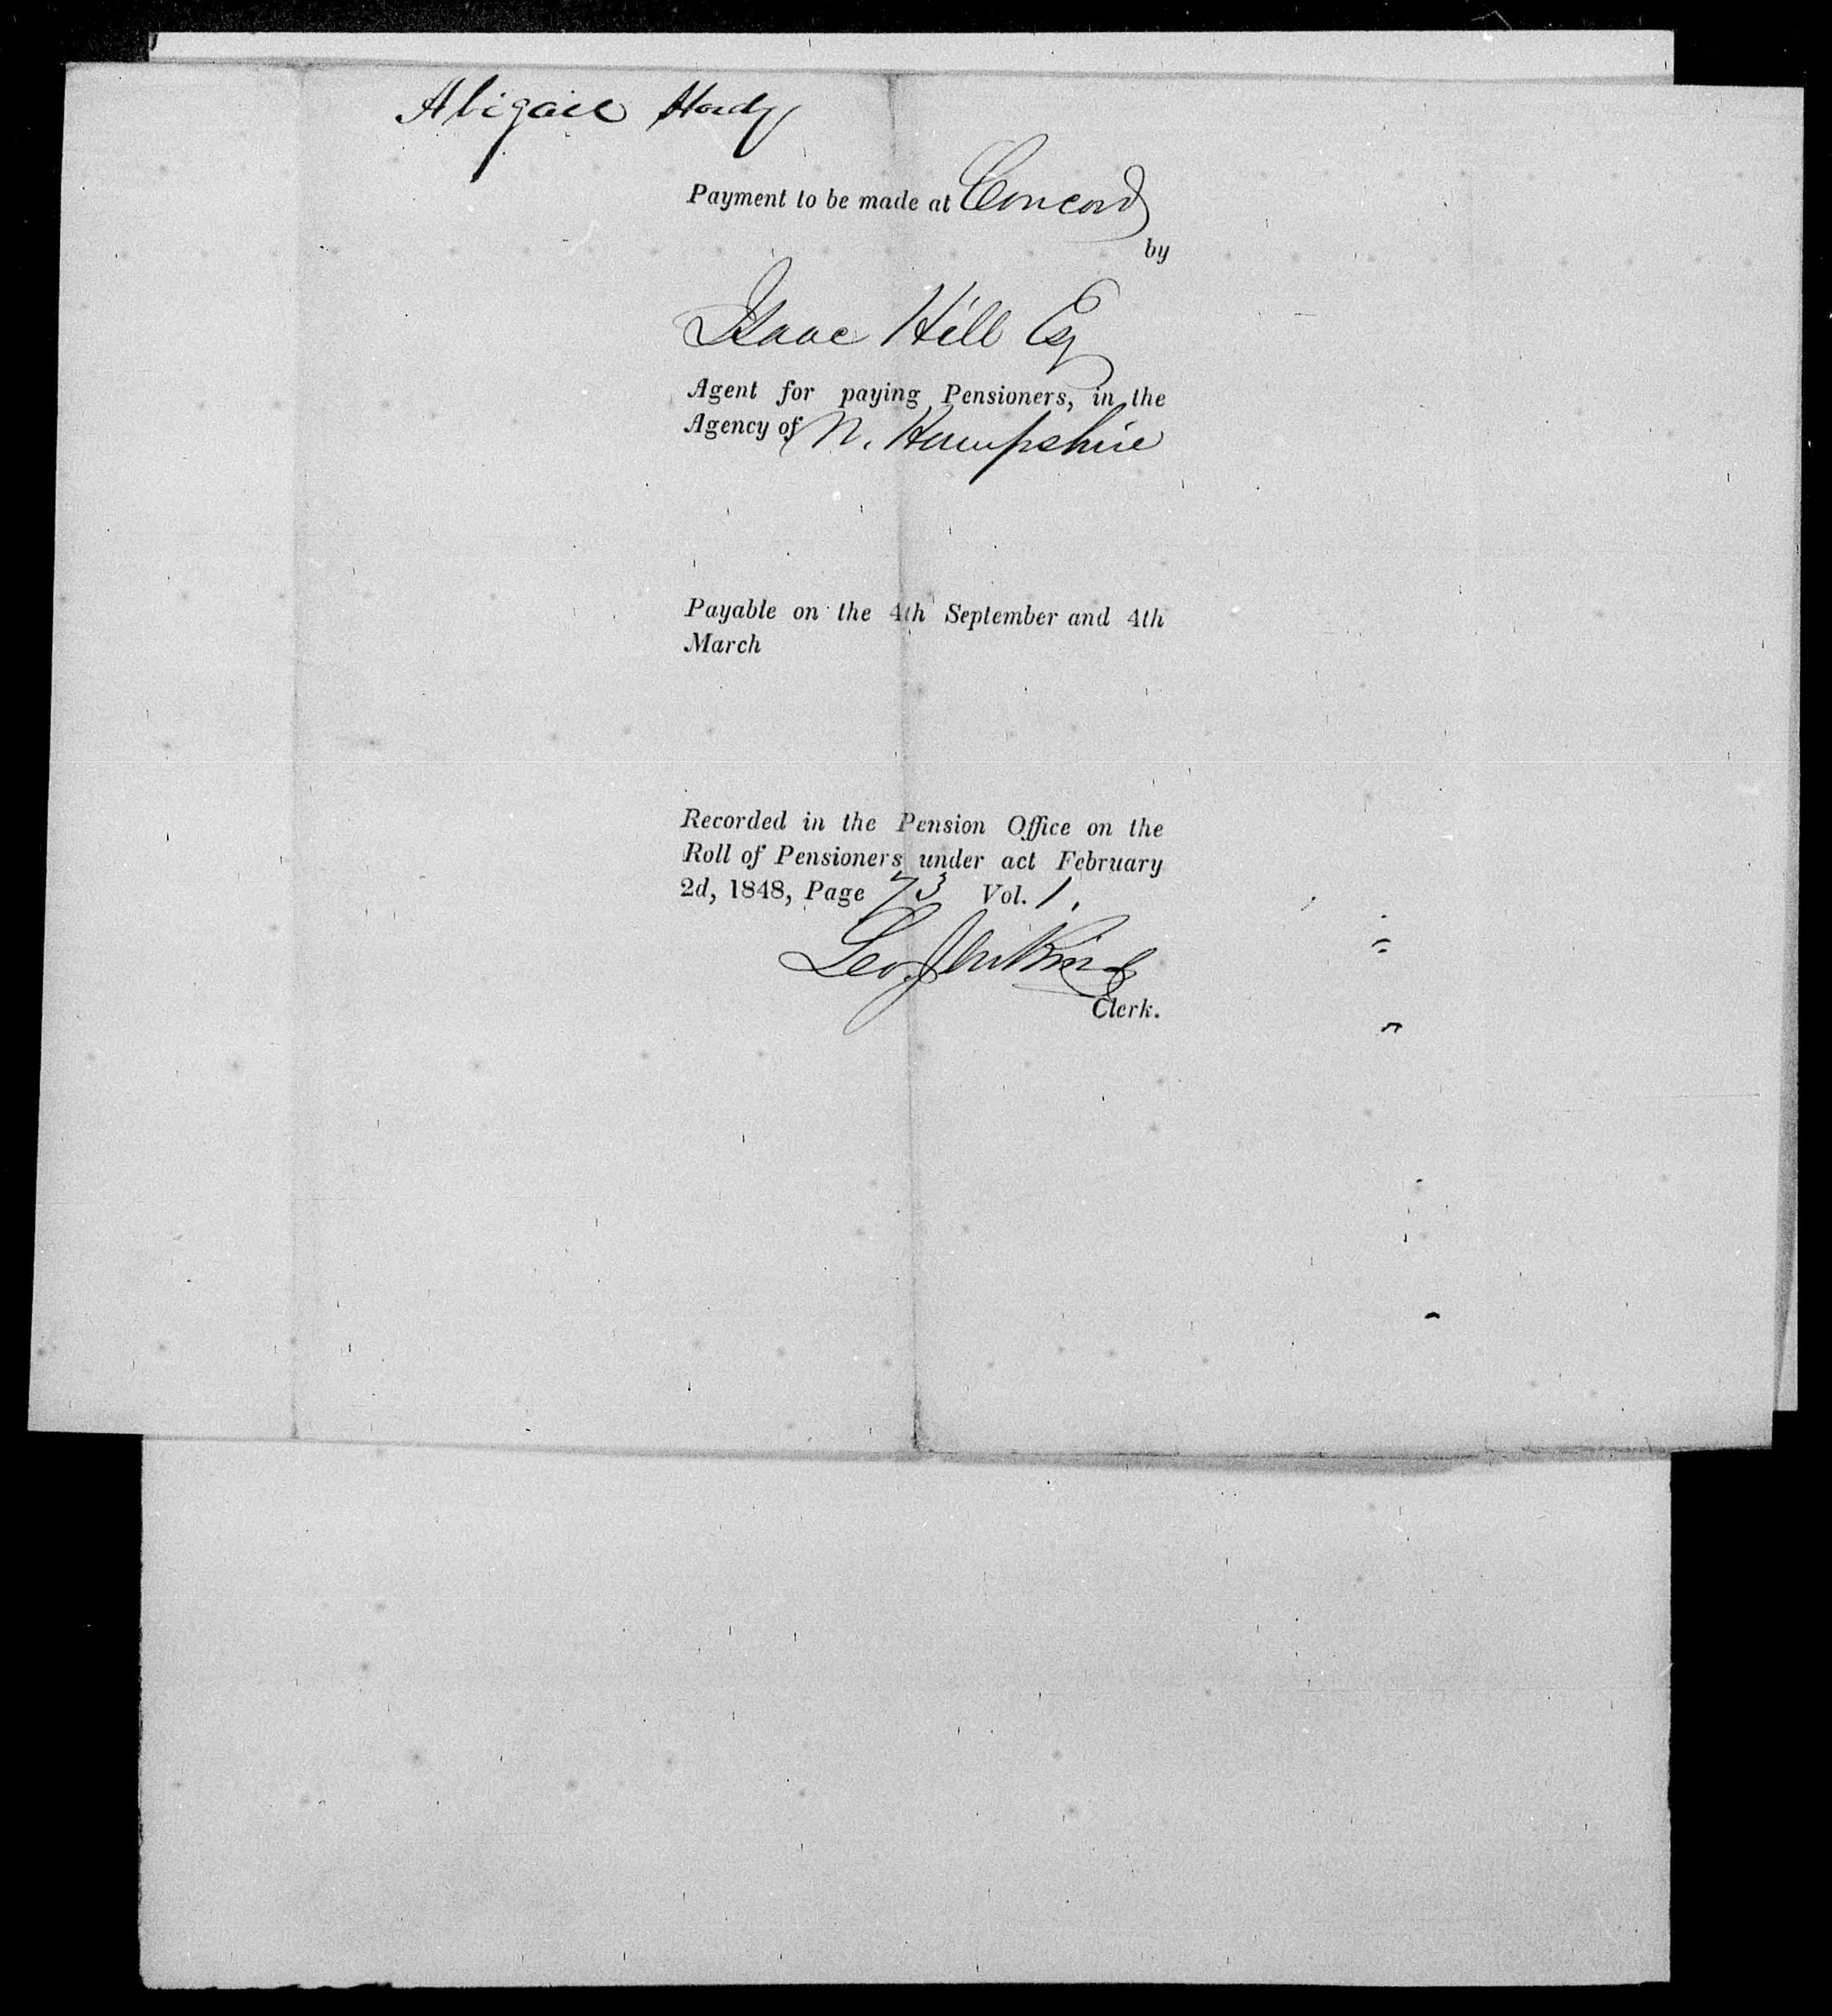Abigail Hardy
Payment to be made at Concord by Grace Hill Esq Agent for paying Pensioners, in the agency of New Hampshire

Payable on the 4th September and 4th March

Recorded in the Pension Office on the Roll of Pensioners under act February 2d, 1848 page 73 vol. 1.
Leo Jenkins clerk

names: Isaac Hill, Abigail Hardy, Leo Jenkins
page: 58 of 67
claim: widow's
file: W. 23183, Jesse Hardy, Mass.